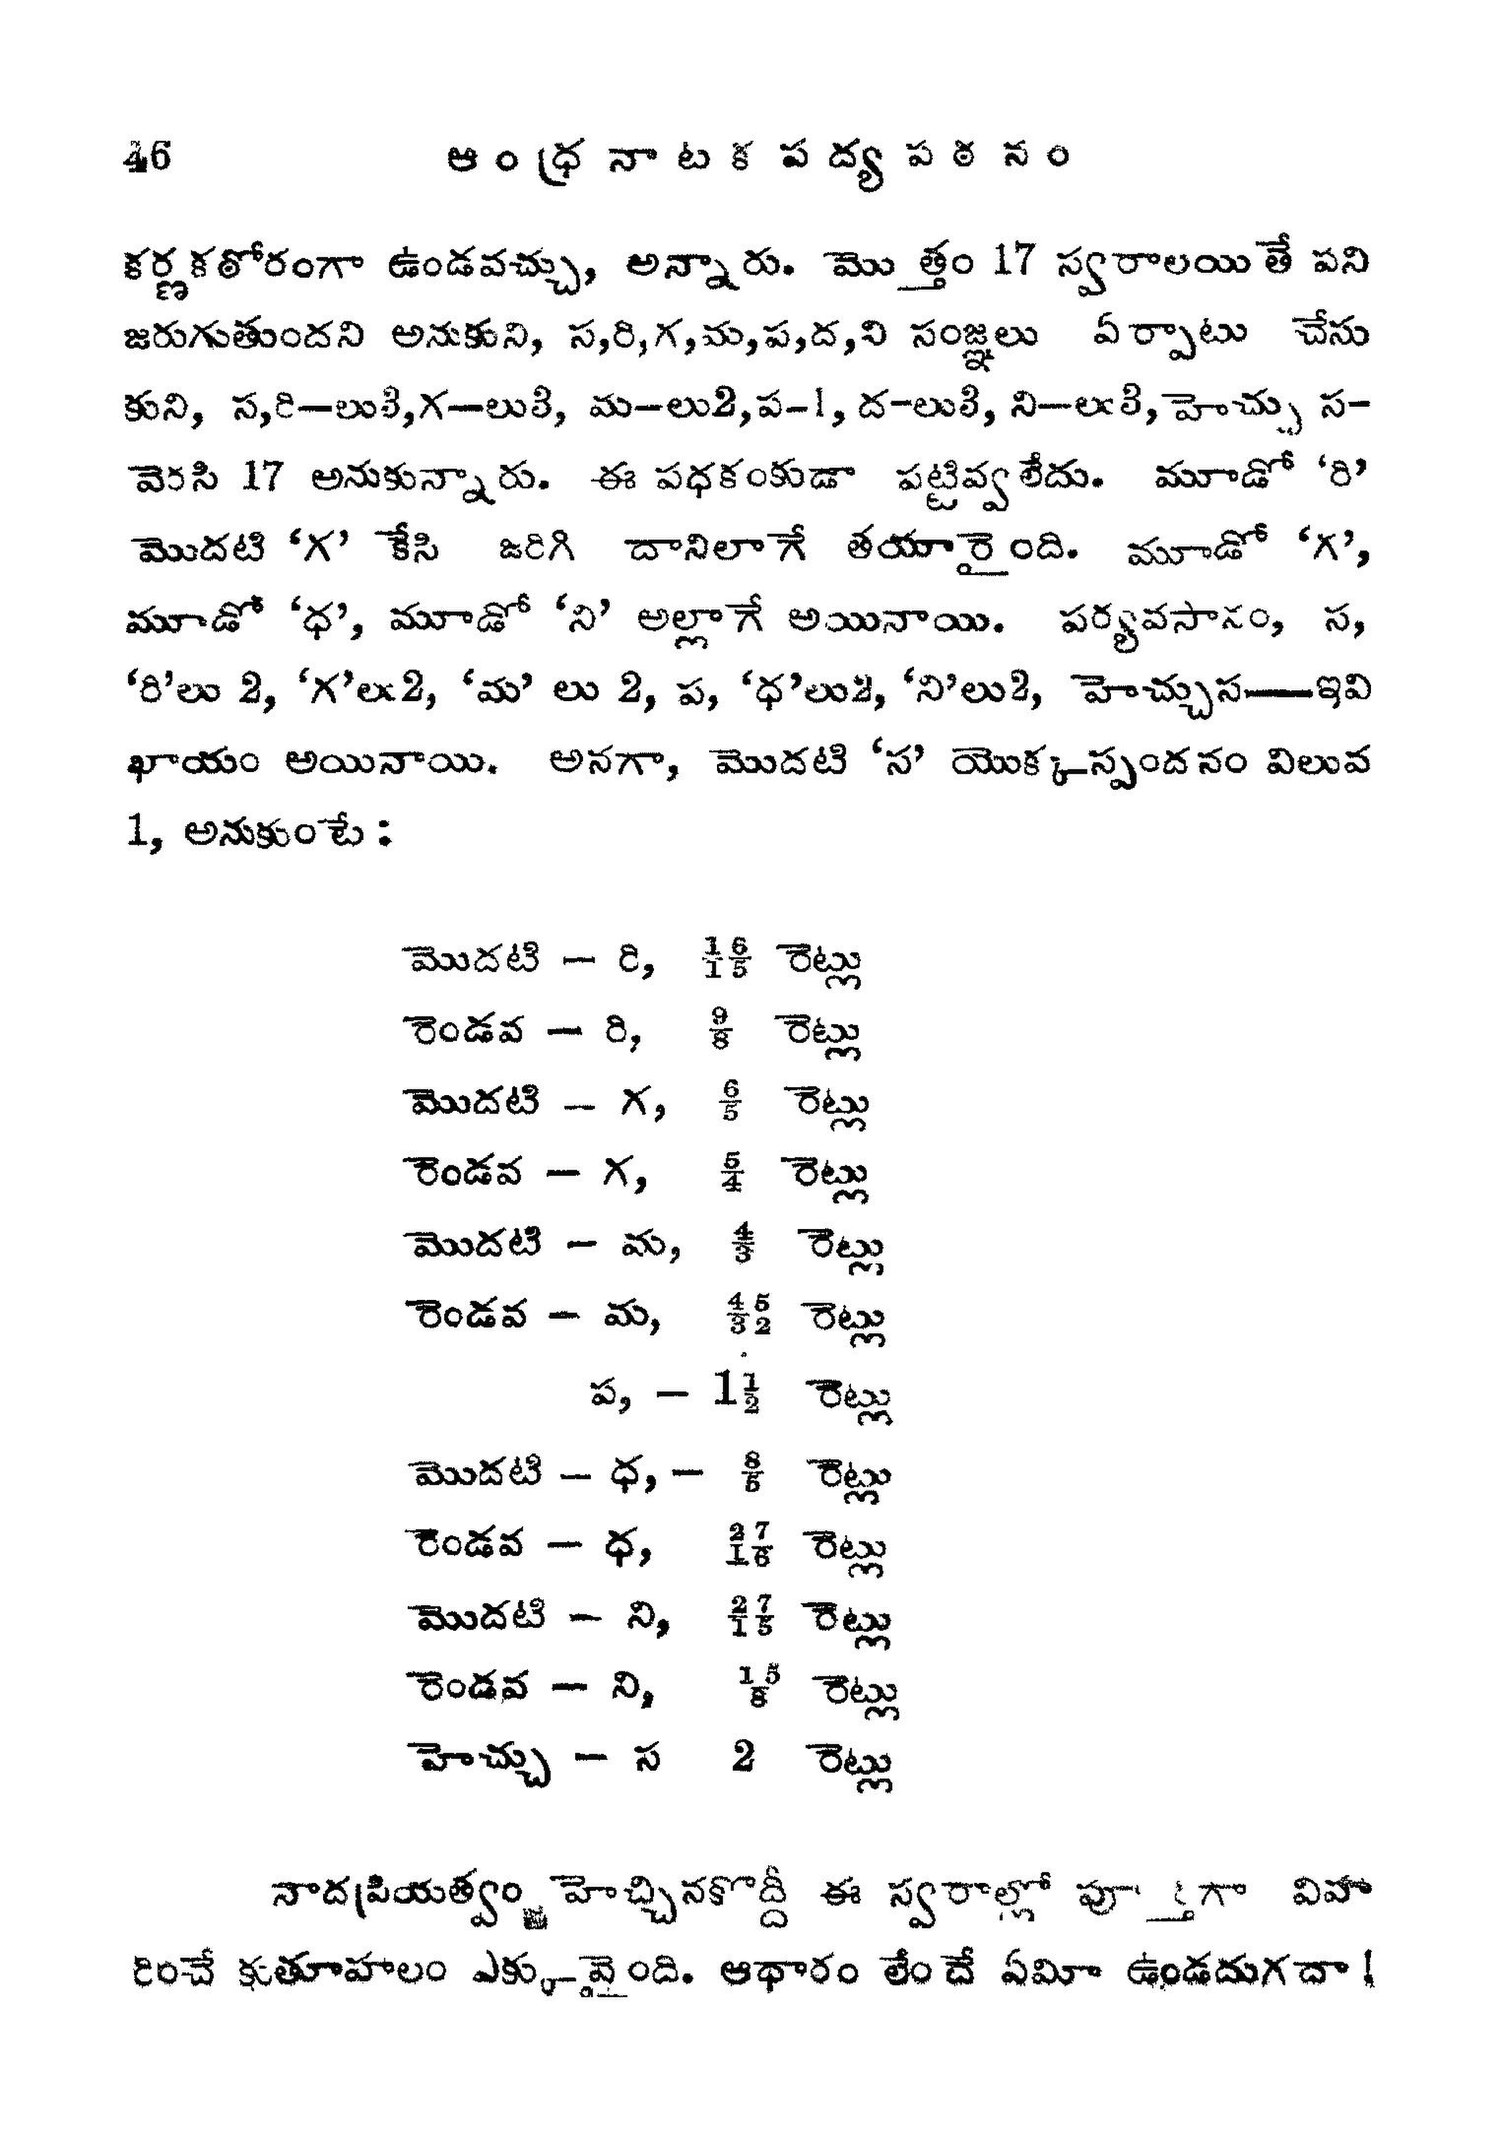కర్ణకఠోరంగా ఉండవచ్చు, అన్నారు. మొత్తం 17 స్వరాలయితే పని జరుగుతుందని అనుకుని, స, రి, గ, మ, ప, ద, ని సంజ్ఞలు ఏర్పాటు చేసుకుని, స,రి—లు3, గ-లు3, మ-లు2, ప-1, ద-లు3, ని-లు3, హెచ్చు స-వెరసి 17 అనుకున్నారు. ఈ పధకంకుడా పట్టివ్వలేదు. మూడో ‘రి’ మొదటి 'గ' కేసి జరిగి దానిలాగే తయారైంది. మూడో 'గ', మూడో 'ధ', మూడో 'ని' అల్లాగే అయినాయి. పర్యవసానం, స, 'రి'లు 2, 'గ'లు2, 'మ' లు 2, ప, 'ధ'లు 2, 'ని'లు 2, హెచ్చున - ఇవి
ఖాయం అయినాయి. అనగా, మొదటి 'స' యొక్కస్పందనం విలువ 1, అనుకుంటే:

మొదటి - రి, 16/15 రెట్లు
రెండవ - రి, 9/8 రెట్లు
మొదటి - గ, 6/5 రెట్లు
రెండవ - గ, 5/4 రెట్లు
మొదటి - మ, 4/3 రెట్లు
రెండవ - మ, 45/32 రెట్లు
 ప, - 1 1/2 రెట్లు
మొదటి - ధ, - 8/5 రెట్లు
రెండవ - ధ, 27/16 రెట్లు
మొదటి - ని, 27/15 రెట్లు
రెండవ - ని, 15/8 రెట్లు
హెచ్చు - స 2 రెట్లు

నాదప్రియత్వం హెచ్చినకొద్దీ ఈ స్వరాల్లో పూర్తిగా విహరించే కుతూహలం ఎక్కువైంది. ఆధారం లేందే ఏమీ ఉండదుగదా!